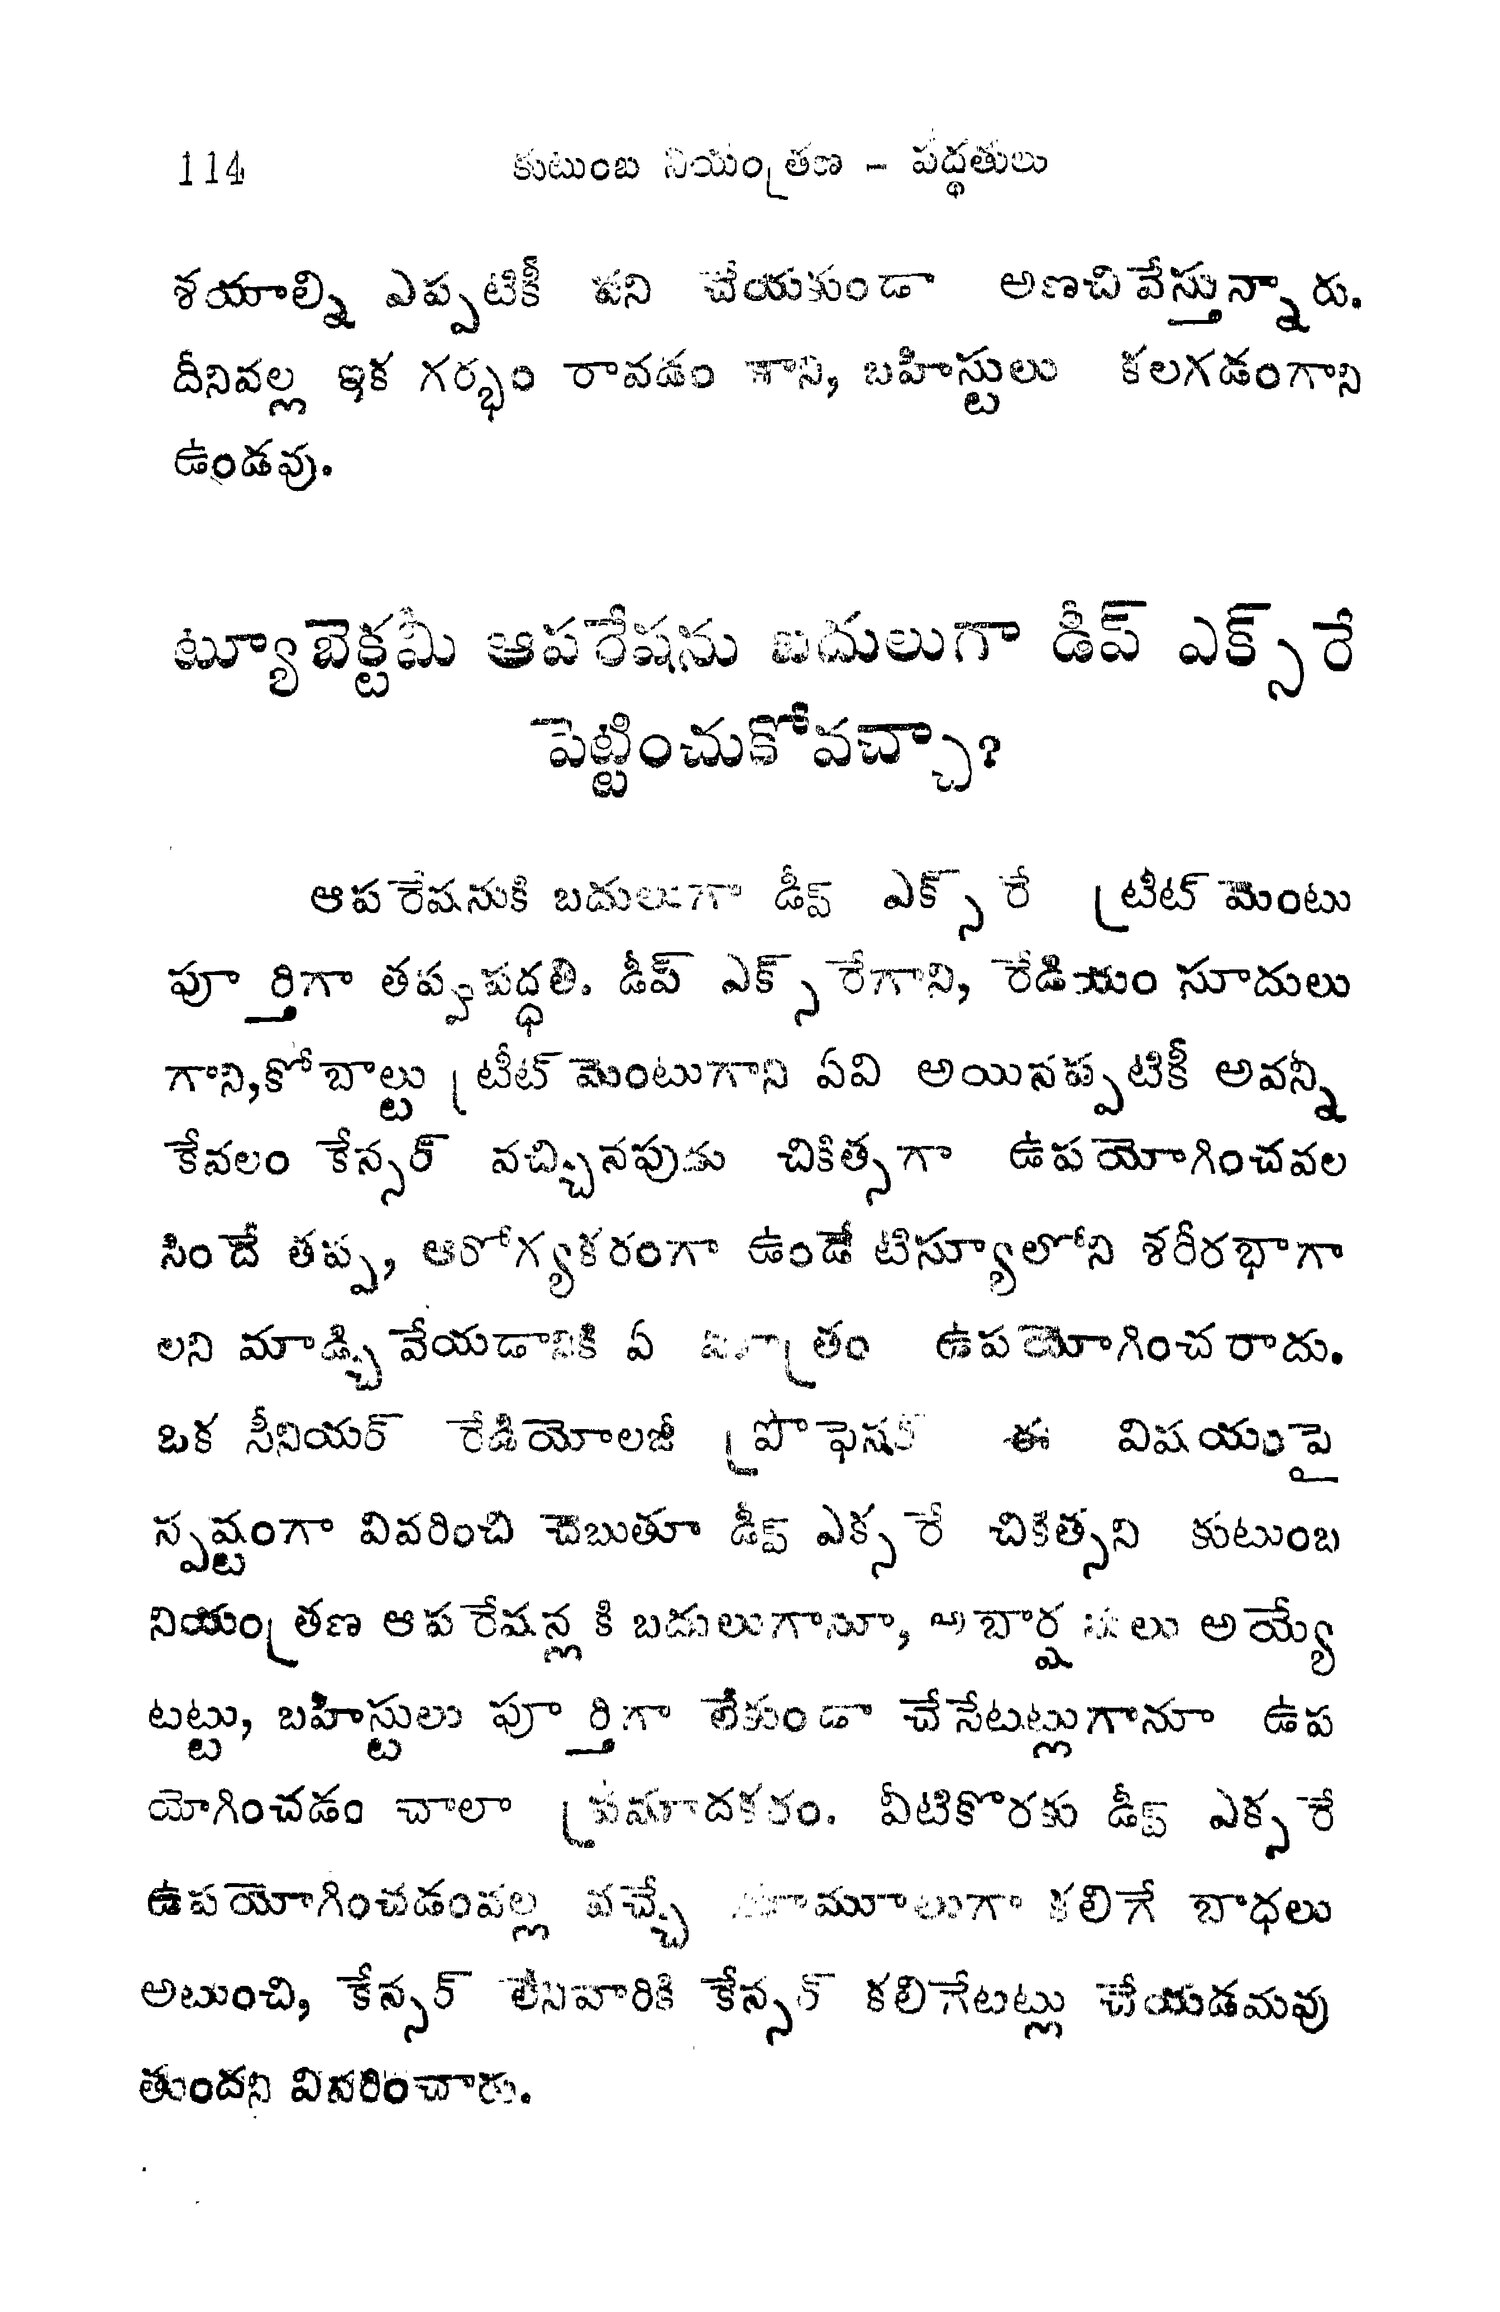శయాల్ని ఎప్పటికీ పని చేయకుండా అణచివేస్తున్నారు. దీనివల్ల ఇక గర్బం రావడం కాని, బహిస్టులు కలగడంగాని ఉండవు.

ఆపరేషనుకి బదులుగా డీప్ ఎక్స్ రే ట్రీట్ మెంటు పూర్తిగా తప్పుపద్దతి, డీప్ ఎక్స్‌రేగాని, రేడియం సూదులు గాని, కోబాల్టు ట్రీట్ మెంటుగాని ఏవి అయినప్పటికీ అవన్నీ కేవలం కేన్సర్ వచ్చినప్పుడు చికిత్సగా ఉపయోగించవలసిందే తప్ప, ఆరోగ్యకరంగా ఉండే టిస్యూలోని శరీరభాగాలని మాడ్చివేయడానికి ఏ మాత్రం ఉపయోగించరాదు. ఒక సీనియర్ రేడియాలజీ ప్రొఫెసరు ఈ విషయంపై స్పష్టంగా వివరించి చెబుతూ డీప్ ఎక్సరే చికిత్సని కుటుంబనియంత్రణ ఆపరేషన్లకి బదులుగానూ, అబార్షనులు అయ్యేటట్టు, బహిస్టులు పూర్తిగా లేకుండా చేసేటట్లుగానూ ఉపయోగించడం చాలా ప్రమాదకరం. వీటికొరకు డీప్ ఎక్సరే ఉపయోగించడంవల్ల వచ్చే మామూలుగా కలిగే బాధలు అటుంచి, కేన్సర్ లేనివారికి కేన్సర్ కలిగేటట్లు చేయడమవుతుందని వివరించారు.